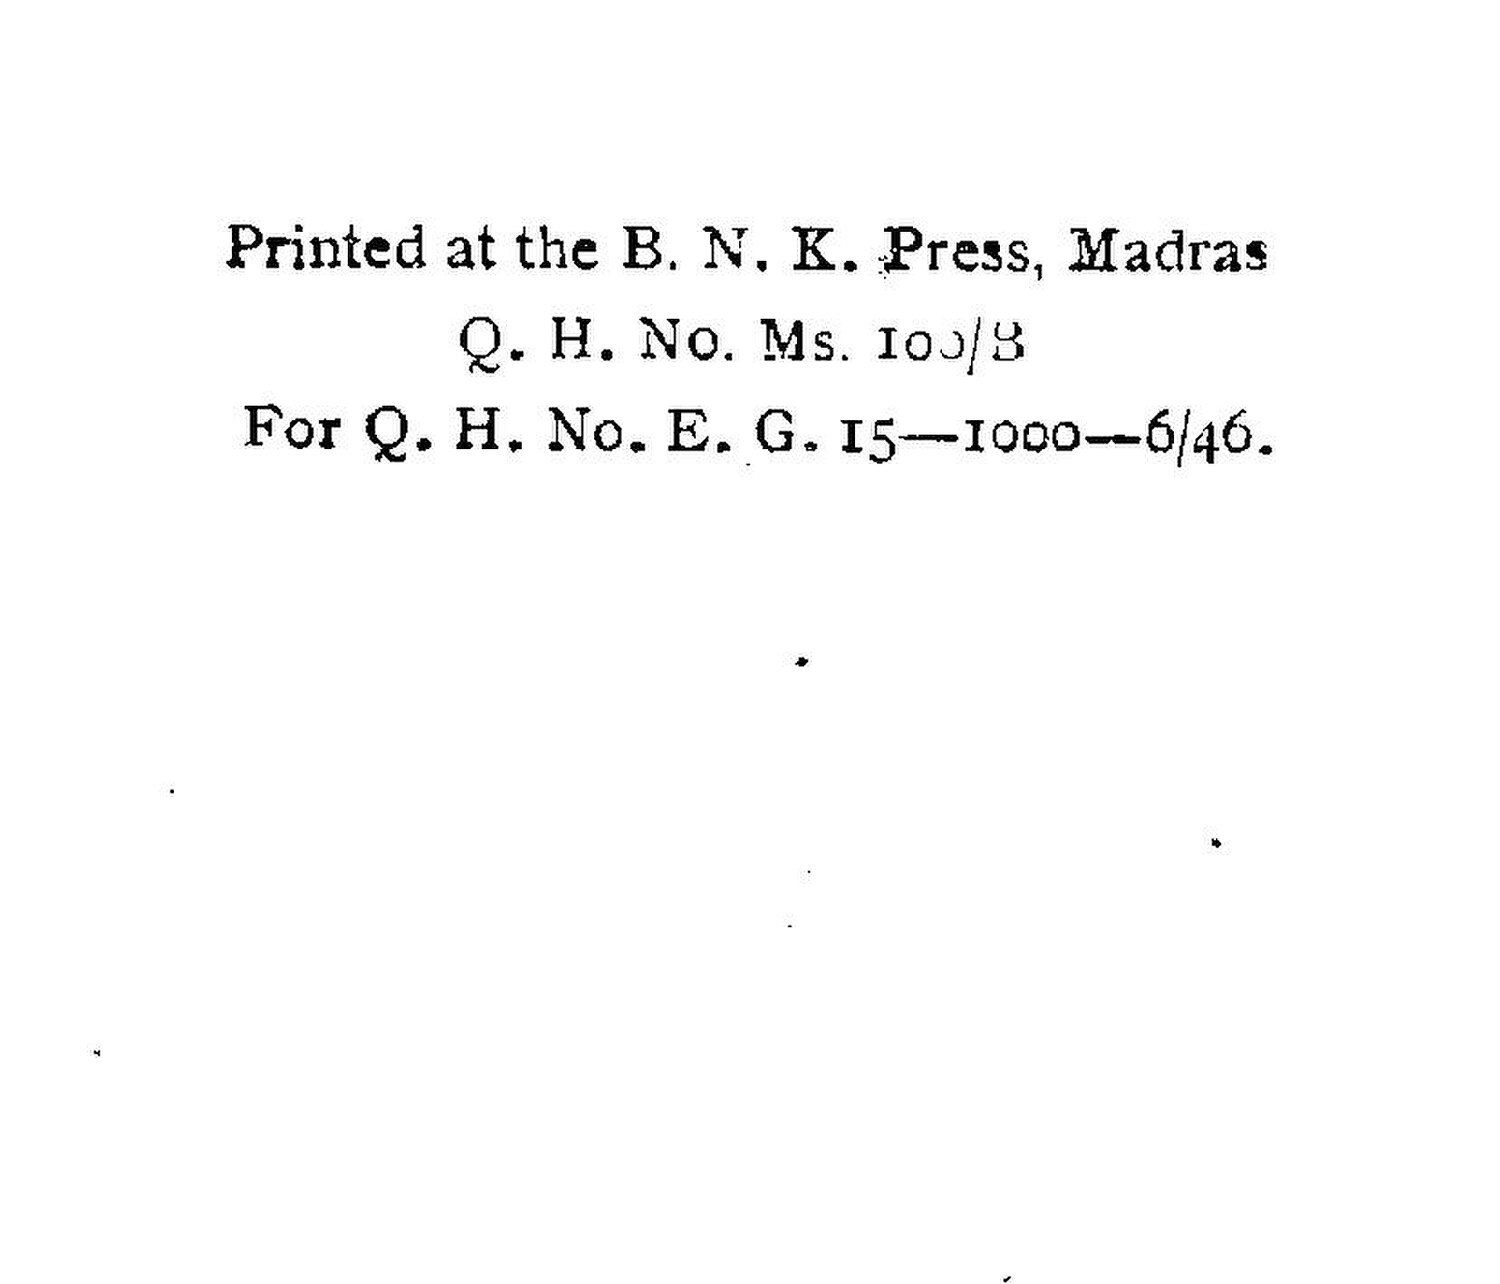Printed at the B. N. K. Press, Madras
Q. H. No. Ms 100/B
For Q. H. No. E. G. 15 - 1000 -6/46